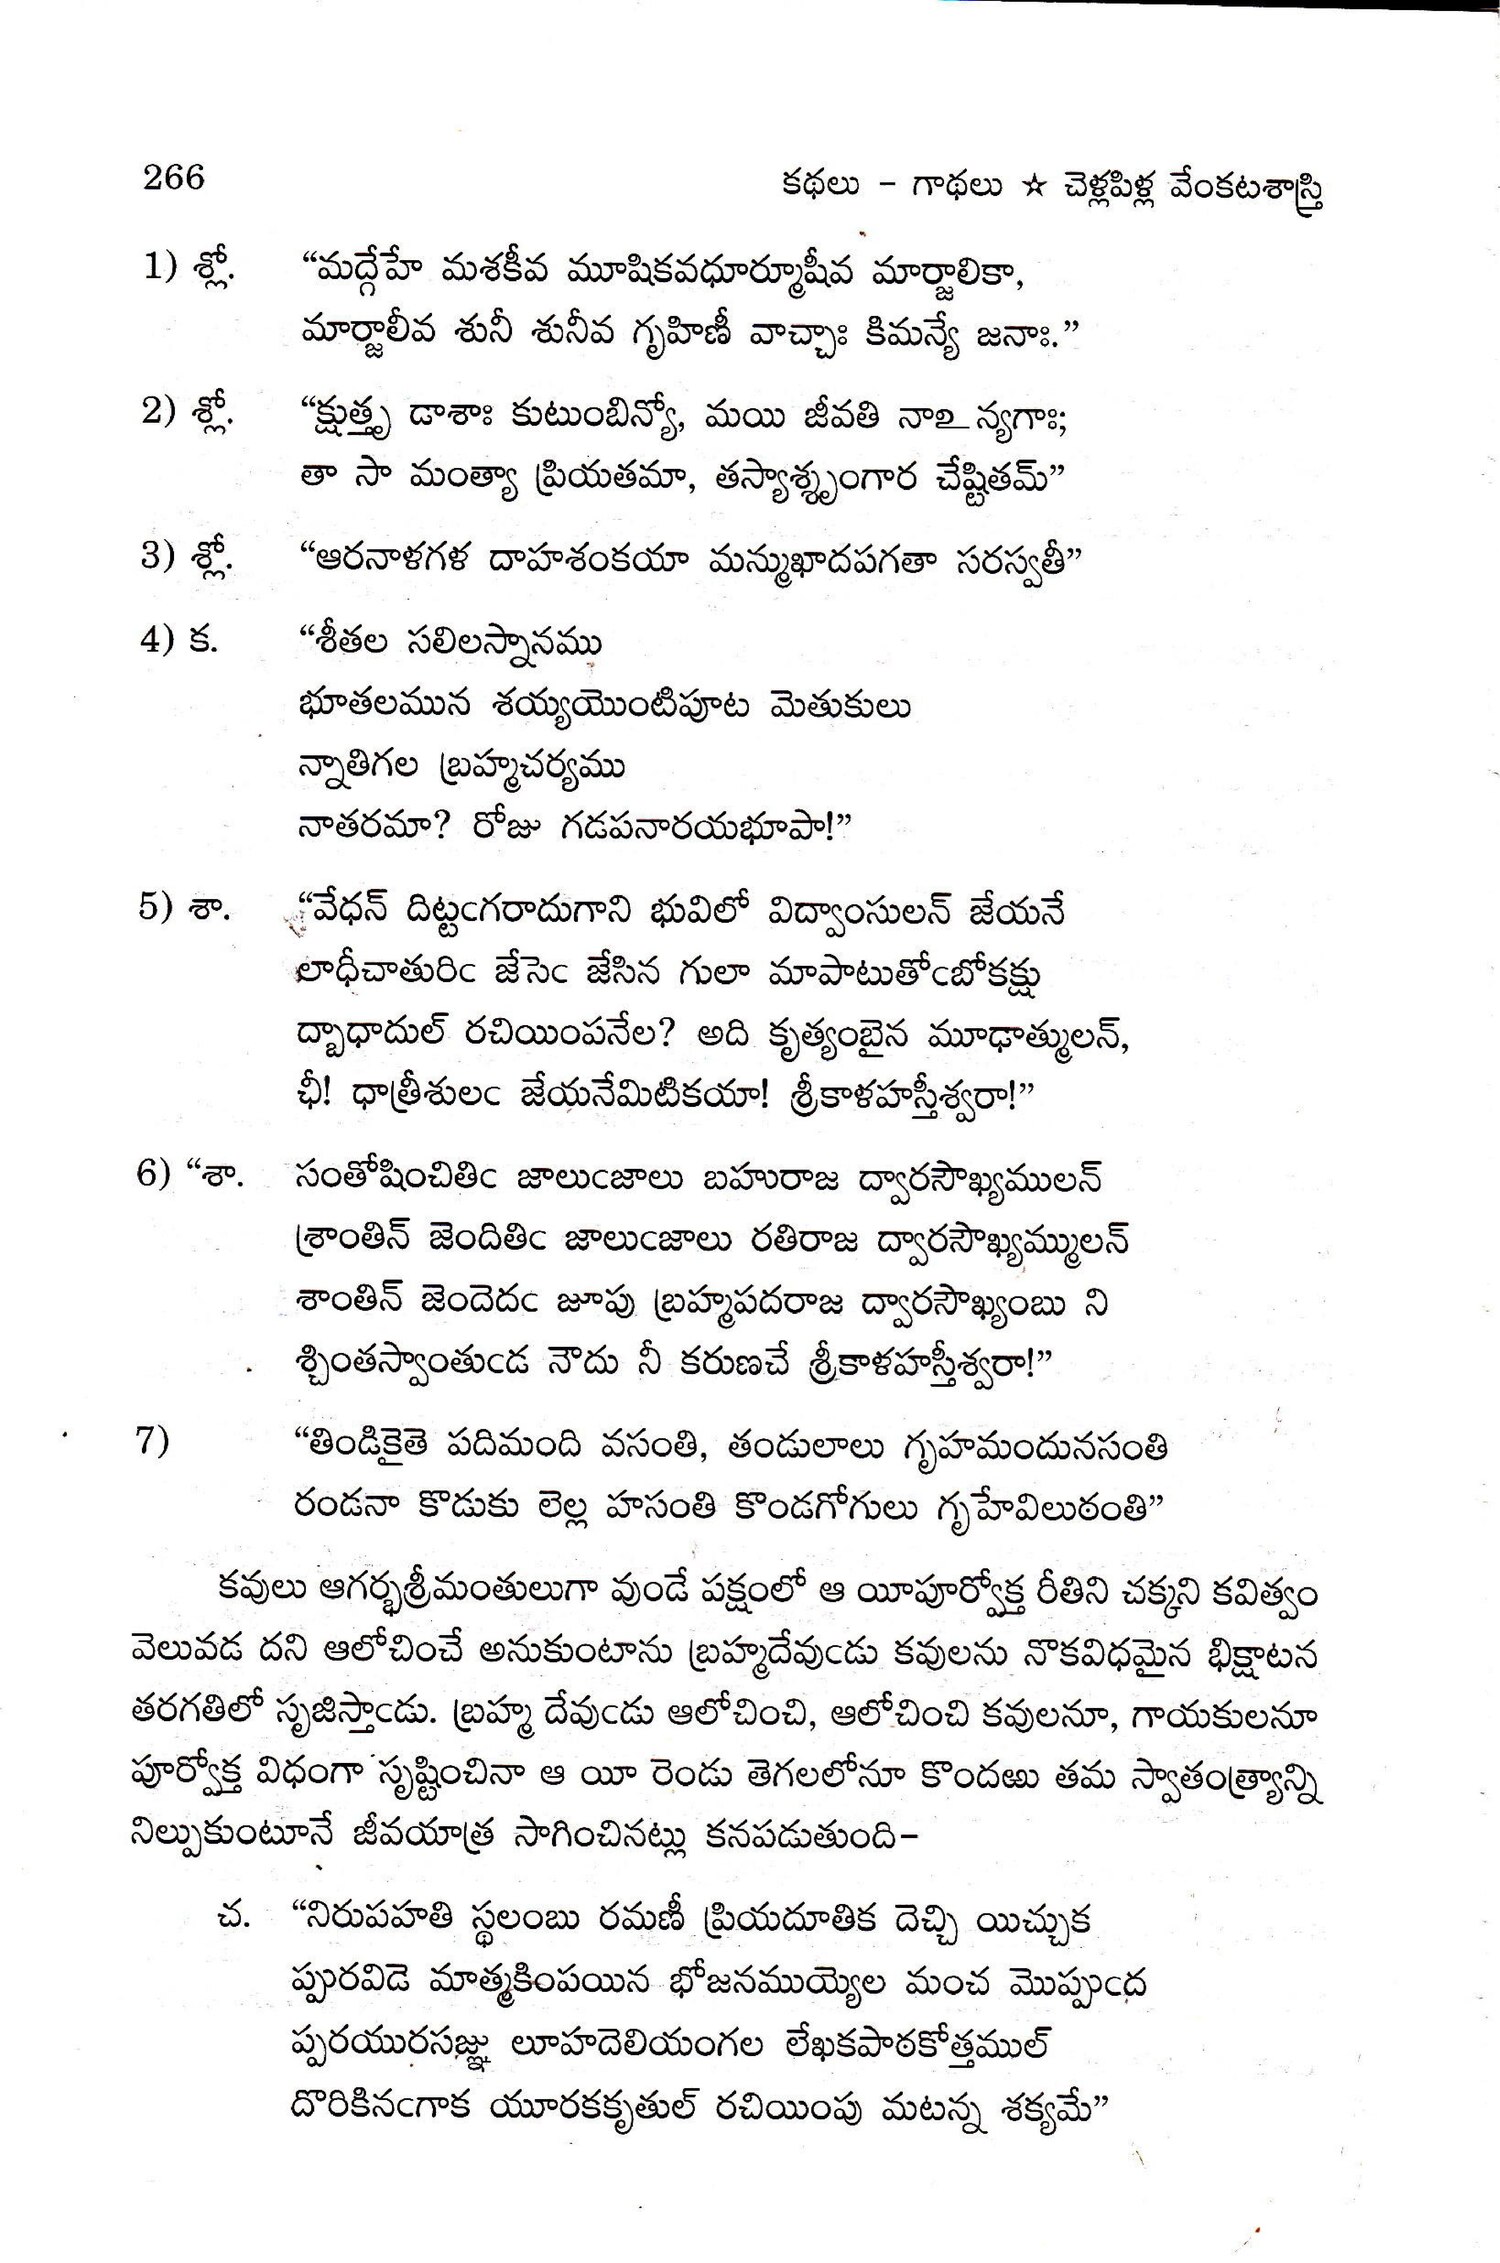1) శ్లో. “మద్గేహే మశకీవ మూషికవధూర్మూషీవ మార్జాలికా,
 మార్జాలీవ శునీ శునీవ గృహిణీ వాచ్చాః కిమన్యే జనాః."

2) శ్లో. “క్షుత్తృ డాశాః కుటుంబిన్యో, మయి జీవతి నా౽న్యగాః; 
 తా సా మంత్యా ప్రియతమా, తస్యాశ్శృంగార చేష్టితమ్” 

3) శ్లో. “ఆరనాళగళ దాహశంకయా మన్ముఖాదపగతా సరస్వతీ”

4) క. “శీతల సలిలస్నానము
 భూతలమున శయ్యయొంటిపూట మెతుకులు 
 న్నాతిగల బ్రహ్మచర్యము 
 నాతరమా? రోజు గడపనారయభూపా!"

5) శా. "వేధన్ దిట్టఁగరాదుగాని భువిలో విద్వాంసులన్ జేయనే
 లాధీచాతురిఁ జేసెఁ జేసిన గులా మాపాటుతోఁబోకక్షు 
 ద్బాధాదుల్ రచియింపనేల? అది కృత్యంబైన మూఢాత్ములన్, 
 ఛీ! ధాత్రీశులఁ జేయనేమిటికయా! శ్రీకాళహస్తీశ్వరా!"

6) “శా. సంతోషించితిఁ జాలుఁజాలు బహురాజ ద్వారపౌఖ్యములన్
 శ్రాంతిన్ జెందితిఁ జాలుఁజాలు రతిరాజ ద్వారపౌఖ్యమ్ములన్
 శాంతిన్ జెందెదఁ జూపు బ్రహ్మపదరాజ ద్వారపౌఖ్యంబు ని 
 శ్చింతస్వాంతుఁడ నౌదు నీ కరుణచే శ్రీకాళహస్తీశ్వరా!"

7) “తిండికైతె పదిమంది వసంతి, తండులాలు గృహమందునసంతి 
 రండనా కొడుకు లెల్ల హసంతి కొండగోగులు గృహేవిలుఠంతి"
కవులు ఆగర్భశ్రీమంతులుగా వుండే పక్షంలో ఆ యీపూర్వోక్త రీతిని చక్కని కవిత్వం వెలువడ దని ఆలోచించే అనుకుంటాను బ్రహ్మదేవుఁడు కవులను నొకవిధమైన భిక్షాటన తరగతిలో సృజిస్తాఁడు. బ్రహ్మ దేవుఁడు ఆలోచించి, ఆలోచించి కవులనూ, గాయకులనూ పూర్వోక్త విధంగా సృష్టించినా ఆ యీ రెండు తెగలలోనూ కొందఱు తమ స్వాతంత్ర్యాన్ని నిల్పుకుంటూనే జీవయాత్ర సాగించినట్లు కనపడుతుంది-

చ. "నిరుపహతి స్థలంబు రమణీ ప్రియదూతిక దెచ్చి యిచ్చుక
 ప్పురవిడె మాత్మకింపయిన భోజనముయ్యెల మంచ మొప్పుఁద 
 ప్పరయురసజ్ఞు లూహదెలియంగల లేఖకపాఠకోత్తముల్ 
 దొరికినగాక యూరకకృతుల్ రచియింపు మటన్న శక్యమే”